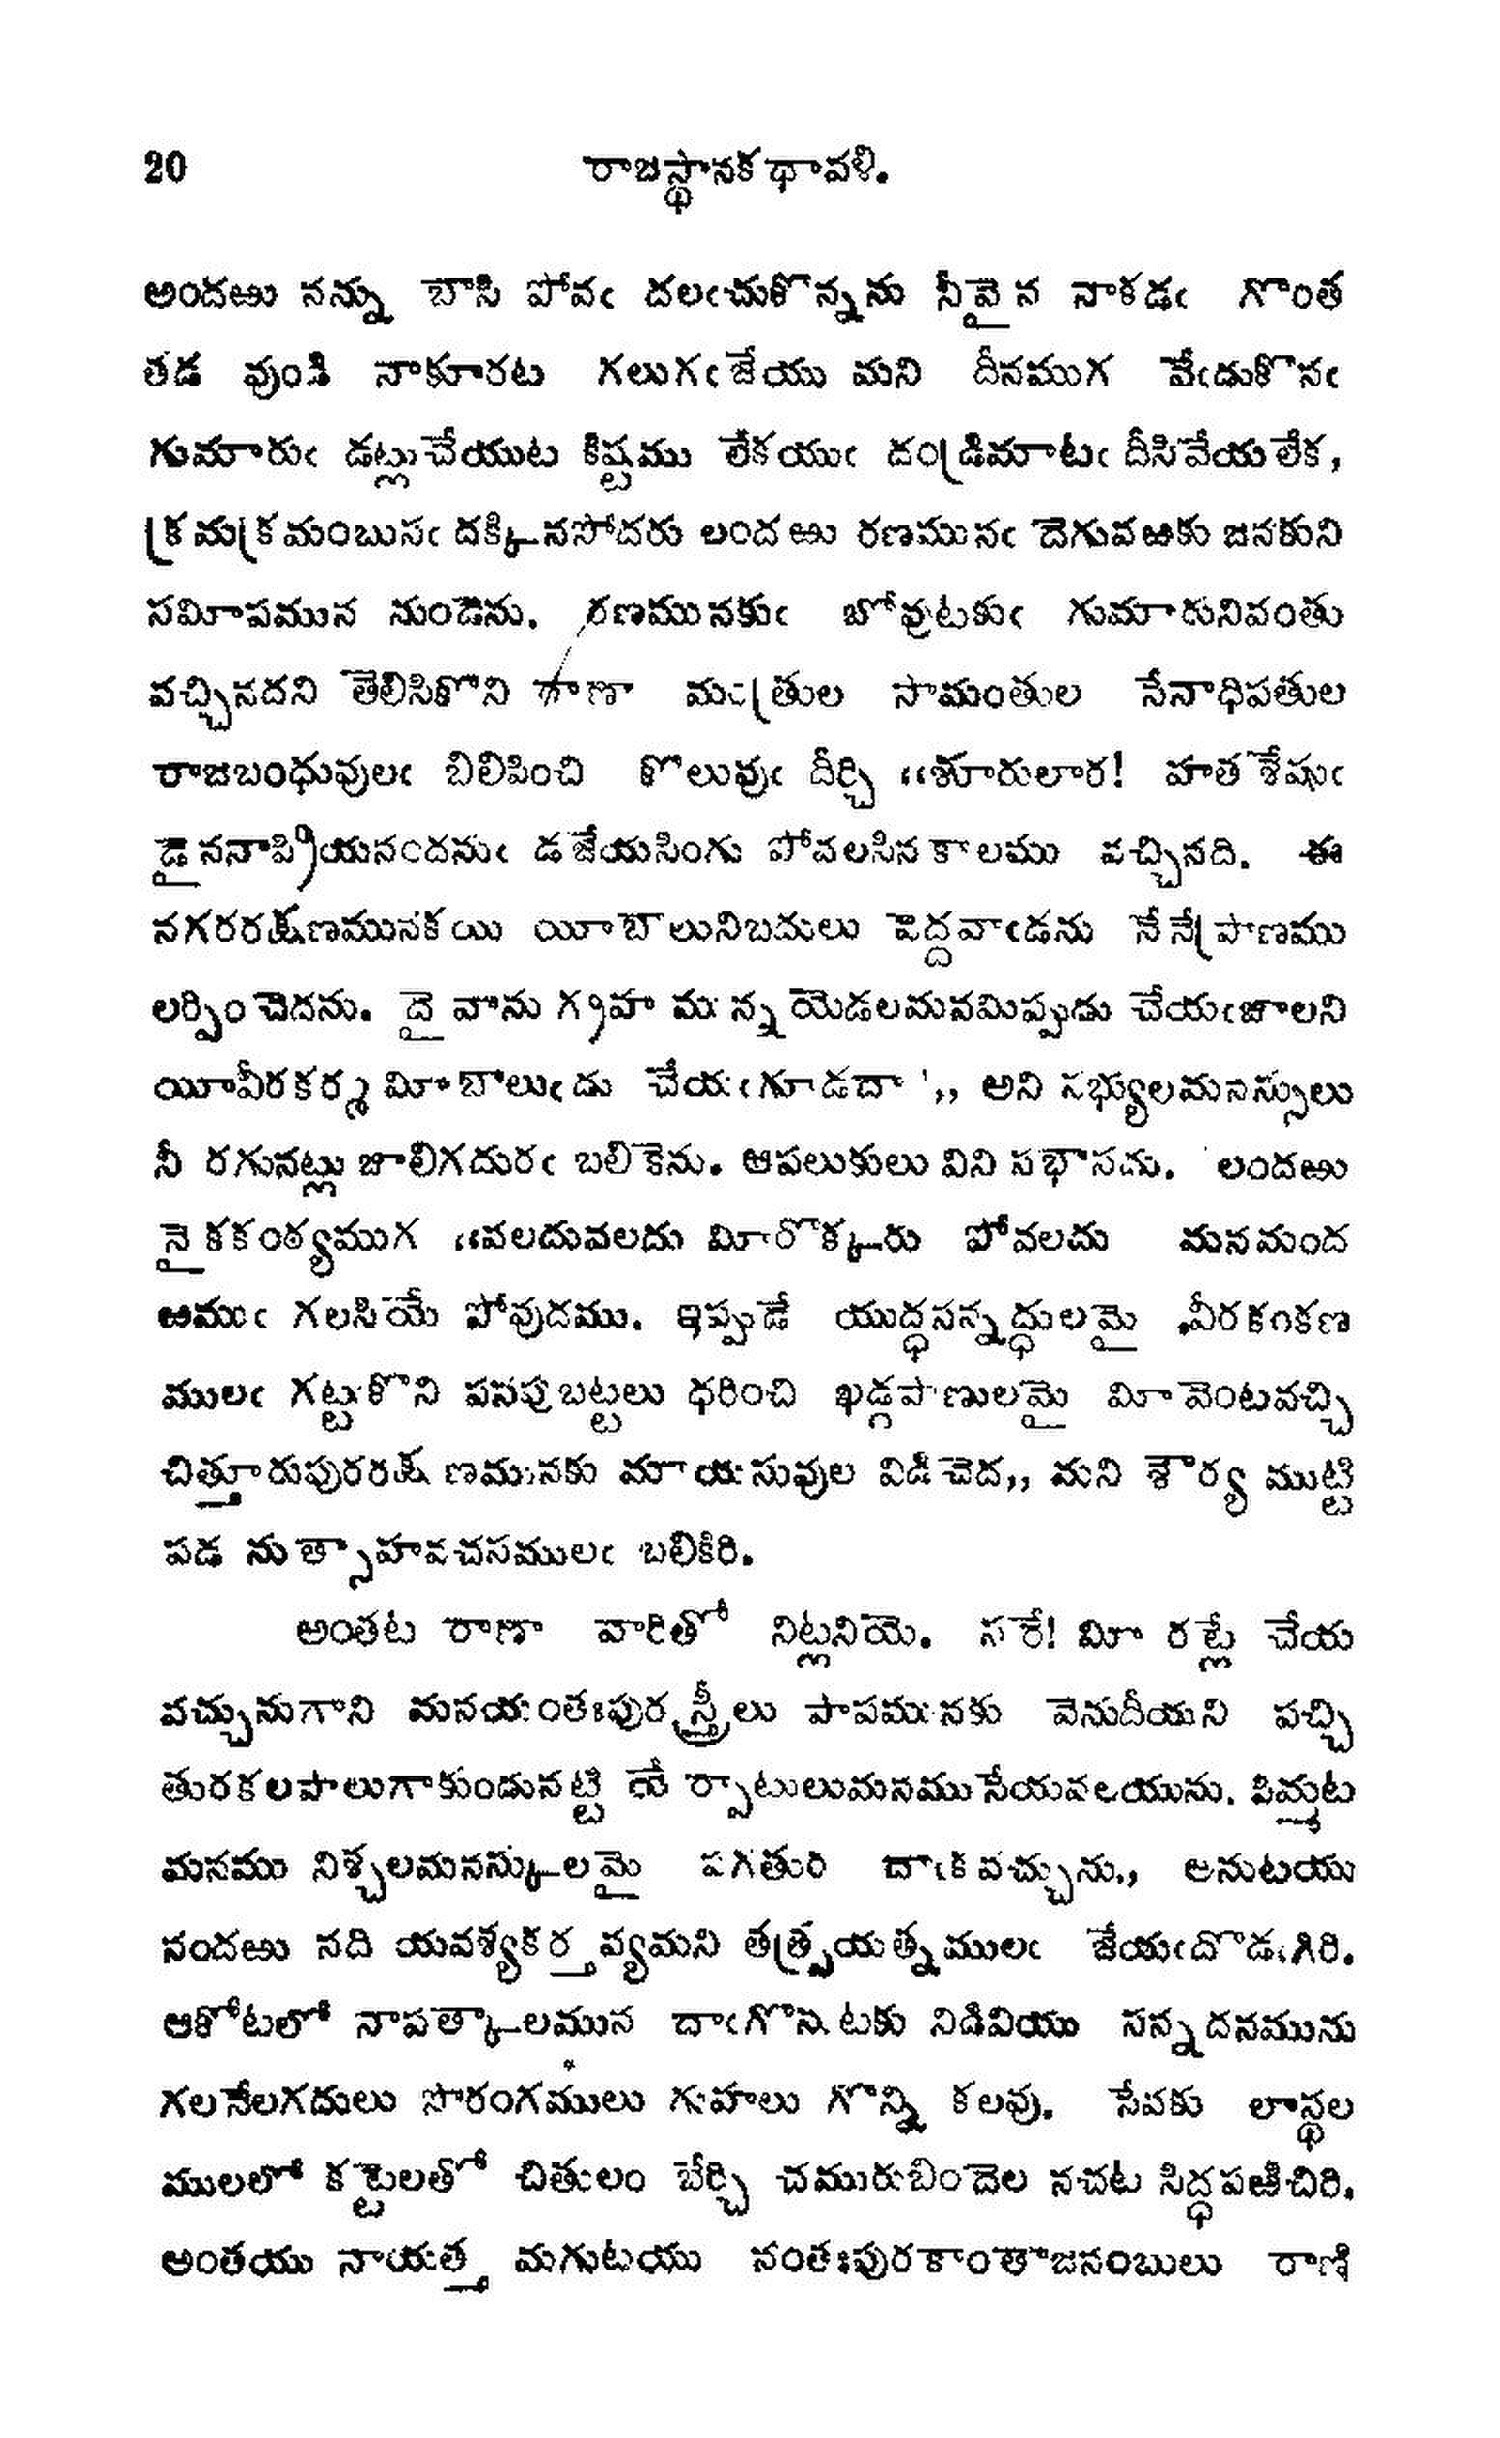అందఱు నన్ను బాసి పోవఁ దలఁచుకొన్నను నీవైన నాకడఁ గొంత తడ వుండి నాకూరట గలుగఁజేయు మని దీనముగ వేడుకొనఁ గుమారుఁ డట్లు చేయుట కిష్టము లేక యుఁ దండ్రిమాటఁ దీసివేయలేక,
క్రమక్రమంబునఁ దక్కినసోదరు లందఱు రణమునఁ దెగువఱకు జనకుని సమీపమున నుండెను. రణమునకుఁ బోవుటకుఁ గుమారునివంతు వచ్చినదని తెలిసికొని రాణా మంత్రుల సామంతుల సేనాధిపతుల
రాజబంధువులఁ బిలిపించీ కొలువుఁ దీర్చి "శూరులార! హత శేషుఁడై ననాప్రియనందనుఁ డజేయసింగు పోవలసిన కాలము వచ్చినది. ఈ నగరరక్షణమునకయి యీ బాలునిబదులు పెద్దవాఁడను నేనే ప్రాణము
లర్పించెదను. దైవాను గ్రహ మున్న యెడల మనమిప్పుడు చేయఁజాలని యీవీరకర్మ మీ బాలుఁడు చేయఁగూడదా ',, అని సభ్యుల మనస్సులు నీ రగునట్లు జాలిగదురఁ బలికెను. ఆపలుకులు విని సభాసదు లందఱు నైకకంఠ్యముగ "వలదువలదు. మీరొక్కరు పోవలదు మనమందఱముఁ గలసియే పోవుదము. ఇప్పుడే యుద్ధ సన్నద్ధులమై వీర కంకణములఁ గట్టుకొని పసపు బట్టలు ధరించి ఖడ్గపాణులమై మీ వెంటవచ్చి చిత్తూరుపుర రక్షణము నకు మాయసువుల విడిచెద" మని శౌర్య ముట్టిపడ నుత్సాహవచనములఁ బలికిరి.

అంతట రాణా వారితో నిట్లనియె. సరే! మీరట్లే చేయ వచ్చునుగాని మనయంతఃపుర స్త్రీలు పాపమునకు వెనుదీయని పచ్చి తురకలపాలుగా కుండునట్టి యేర్పాటులు మనము సేయవలయును. పిమ్మట మనము నిశ్చలమనస్కులమై పగతుర దాఁక వచ్చును., అనుటయు నందఱు నది యవశ్యకర్తవ్యమని తత్ప్రయత్నములఁ జేయఁదొడఁ గిరి. ఆకోటలో నాపత్కాలమున దాఁగొనుటకు నిడివియు సన్నదనమును
గల నేలగదులు సొరంగములు గుహలు గొన్ని కలవు. సేవకు లాస్థలములలో కట్టెలతో చితులం బేర్చి చమురుబిందెల నచట సిద్ధ పఱిచిరి. అంతయు నాయత్త మగుటయు నంతఃపుర కాంతాజనంబులు రాణి